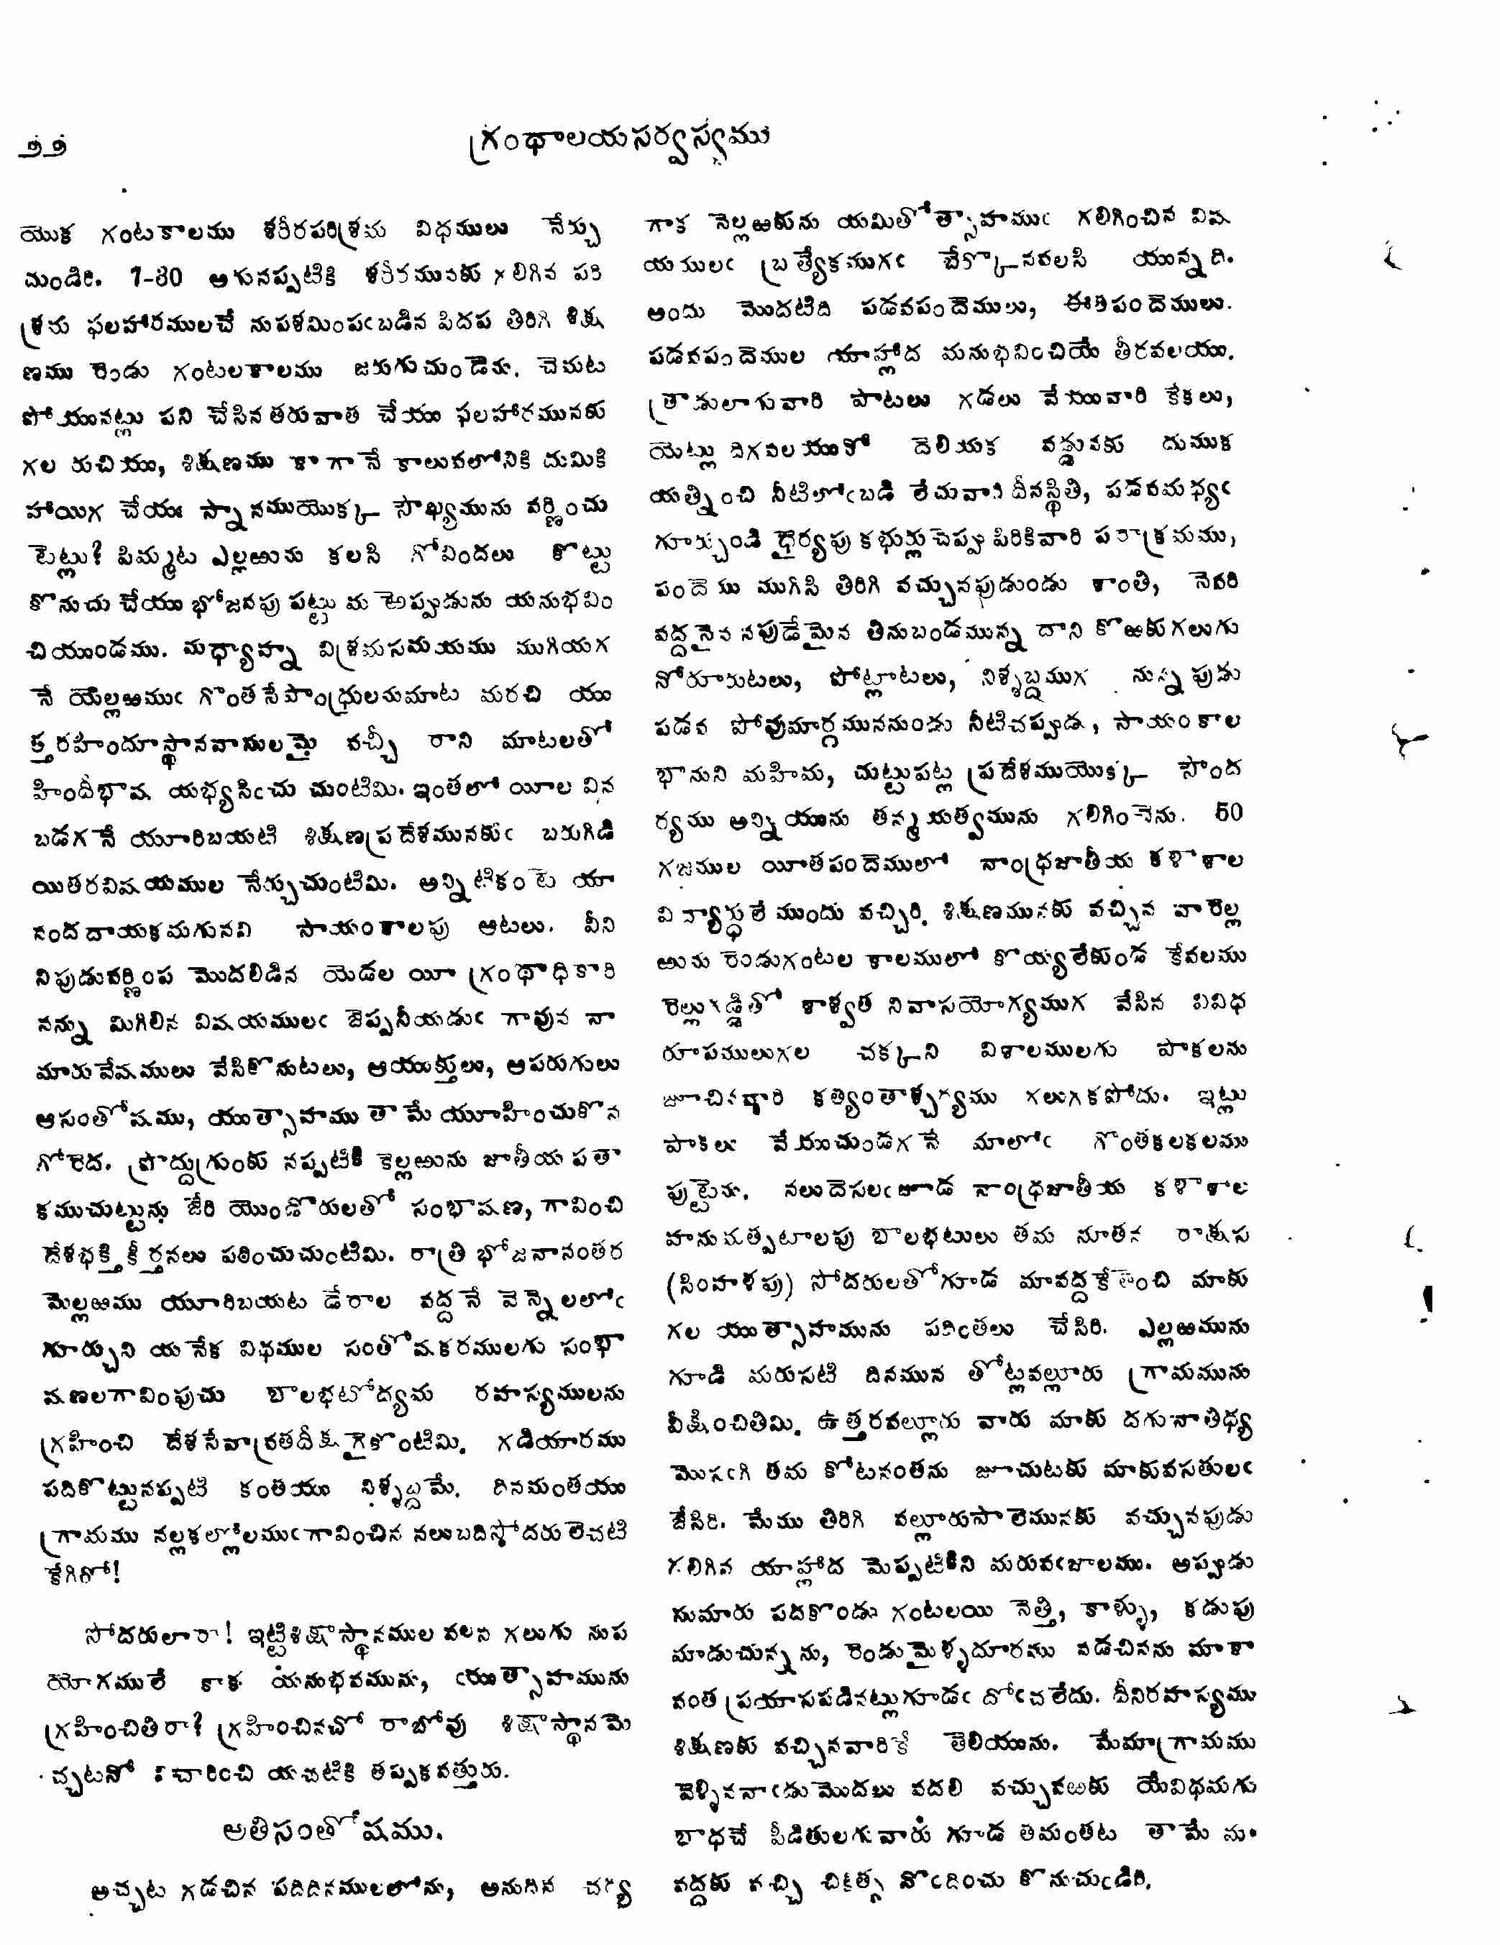యొక గంటకాలము శరీరపరిశ్రమ విధములు నేర్చుదుండిరి. 7-30 అగునప్పటికి శరీరమునకు ఆ లిగిన పరిశ్రమ ఫలహారములచే నుపశమింపఁబడిన పిదప తిరిగి శిక్షణము రెండు గంటలకాలము జరుగుచుండెను. చెమటపోయునట్లు పనిచేసిన తరువాత చేయు ఫలహారమునకు గల రుచియు, శిక్షణము కాగానే కాలువలోనికి దుమికిహాయిగ చేయు స్నానముయొక్క సౌఖ్యమును వర్ణించుటెట్లు? పిమ్మట ఎల్లఱును కలసి గోవిందలు కొట్టుకొనుచుచేయు భోజనపుపట్టును మరెప్పుడును యనుభవించియుండము. మధ్యాహ్న విశ్రమసమయము ముగియగనే యెల్లఱముఁ గొంతసేపాంధ్రులనుమాట మరచి యుత్తరరహిందూస్థానవాసులమై వచ్చీరాని మాటలతో
హిందీభాష యభ్యసించు చుంటిమి. ఇంతలో యీల వినబడగనే యూరిబయటి శిక్షణ ప్రదేశమునకుఁ బరుగిడి యితరవిషయముల నేర్చుచుంటిమి. అన్నిటికంటే యానంద దాయకమగునవి సాయంకాలపు ఆటలు. వీనినిపుడు వర్ణింప మొదలిడిన యెడల యీ గ్రంథాధికారినన్ను మిగిలిన విషయములఁ జెప్పనీయడుఁ గావున నామారు వేషములు వేసికొనుటలు, ఆయుక్తులు, ఆపరుగులు
ఆసంతోషము, యుత్సాహము తామే యూహించుకొనగోరెద. ప్రొద్దుగ్రుంకు నప్పటికి కెల్లఱును జాతీయపతాకముచుట్టును జేరి యొండొరులతో సంభాషణ, గావించి దేశభక్తి కీర్తనలు పఠించుచుంటిమి. రాత్రి భోజనానంతర మెల్లఱము యూరిబయట డేరాల వద్దనే వెన్నెలలోఁ గూర్చుని యనేక విధముల సంతోవకరములగు సంభానణలగావింపుచు బాలభటోద్యమ రహస్యములను గ్రహించి దేశ సేవాగ్రతదీక్ష, గైకొంటిమి. గడియారము పదికొట్టునప్పటి కంతియం నిశ్శబ్దమే. దినమంతయు గ్రామము నల్లకల్లోలముఁ గావించిన నలుబదిసోదరు లెచటి కేగిరో!

సోదరులారా! ఇట్టి శిక్షాస్థానముల వలనగలుగు నుపయోగములే కాక యనుభవమును, యుత్సాహమును గ్రహించితిరా? గ్రహించినచో రాబోవు శిక్షాస్థానమెచ్చటనో విచారించి యచటికి తప్పకవత్తురు.

అచ్చట గడచిన 'పదిదినములలోను, అనుదిన చర్య గాక నెల్లఱకును యమితోత్సాహముఁ గలిగించిన విషయములఁ బ్రత్యేకముగఁ బేర్కొనవలసి యున్నది. అందు మొదటిది పడవ పందెములు, ఈత పందెములు. పడవపందెములు యాహ్లాద మనుభవించియే తీరవలయు. త్రాడులాగువారి పాటలు గడలు వేయువారి కేకలు, యెట్లు దిగవలయునో దెలియక పడ్డునకు దుముక యత్నించి నీటిలోఁబడి లేచువాని దీనస్థితి, పడవమధ్యఁ గూర్చుండి ధైర్యపు కభుర్లు చెప్పు పిరికివారి పరాక్రమము, పందెము ముగిసి తిరిగి వచ్చునపుడుండు శాంతి, నెవరి వద్దనైన నపుడేమైనతినుబండమున్న దాని కొఱుకు గలుగు నోరూరుటలు, పోట్లాటలు, నిశ్శబ్దముగ నున్నపుడు పడవ పోవుమార్గముననుండు నీటిచప్పుడు, సాయంకాలభానుని మహిమ, చుట్టుపట్ల ప్రదేశముయొక్క సౌందర్యము అన్నియును తన్మయత్వమును గలిగించెను. 50 గజముల యీత పందెములో నాంధ్రజాతీయ కళాశాల విద్యార్థులే ముందు వచ్చిరి. శిక్షణమునకు వచ్చిన వారెల్లఱును రెండుగంటల కాలములో కొయ్యలేకుండ కేవలము రెల్లుగడ్డితో శాశ్వత నివాసయోగ్యముగ వేసిన వివిధ
రూపములుగల చక్కని విశాలములగు పాకలను జూచినదారి కత్యంతాశ్చర్యము గలుగకపోదు. ఇట్లు వేయుచుండగ నే మాలోఁ గొంత కలకలము పుట్టెను. నలుదెసలఁ జూడ నాంధ్రజాతీయ కళాశాల హనుమత్పటాలపు బాలభటులు తమ నూతన రాక్షస (సింహళపు) సోదరులతోగూడ మావద్ద కేతెంచి మాకు గల యుత్సాహమును పదింతలు చేసిరి. ఎల్లఱమును గూడి మరుసటి దినమున తోట్లవల్లూరు గ్రామమును వీక్షించితిమి. ఉత్తరవల్లూరు వారు మాకు దగ్గు నాతిధ్యమొగఁగి తమ కోటనంతను జూచుటకు మాకు వసతులఁ జేసిరి. మేము తిరిగి వల్లూరుపాలెమునకు వచ్చునపుడు కలిగిన యాహ్లాద మెప్పటికిని మరువఁజాలను. అప్పుడు సుమారు పదకొండు గంటలయి నెత్తి, కాళ్ళు, కడుపు మాడుచున్నను, రెండు మైళ్ళదూరము విడచినను మాకావంత ప్రయాసపడినట్లుగూడఁ దోఁచలేదు. దీని రహస్యము
శిక్షణకు వచ్చినవారికే తెలియును. మేమాగ్రామము వెళ్ళినవాఁడు మొదలు వదిలి వచ్చువుకు యేవిధమగు బాధచే పీడితులగు వారు గూడ తమంతట తామే మవద్దకు వచ్చి చికిత్స నొందించు కొనుచుఁడిరి.

!